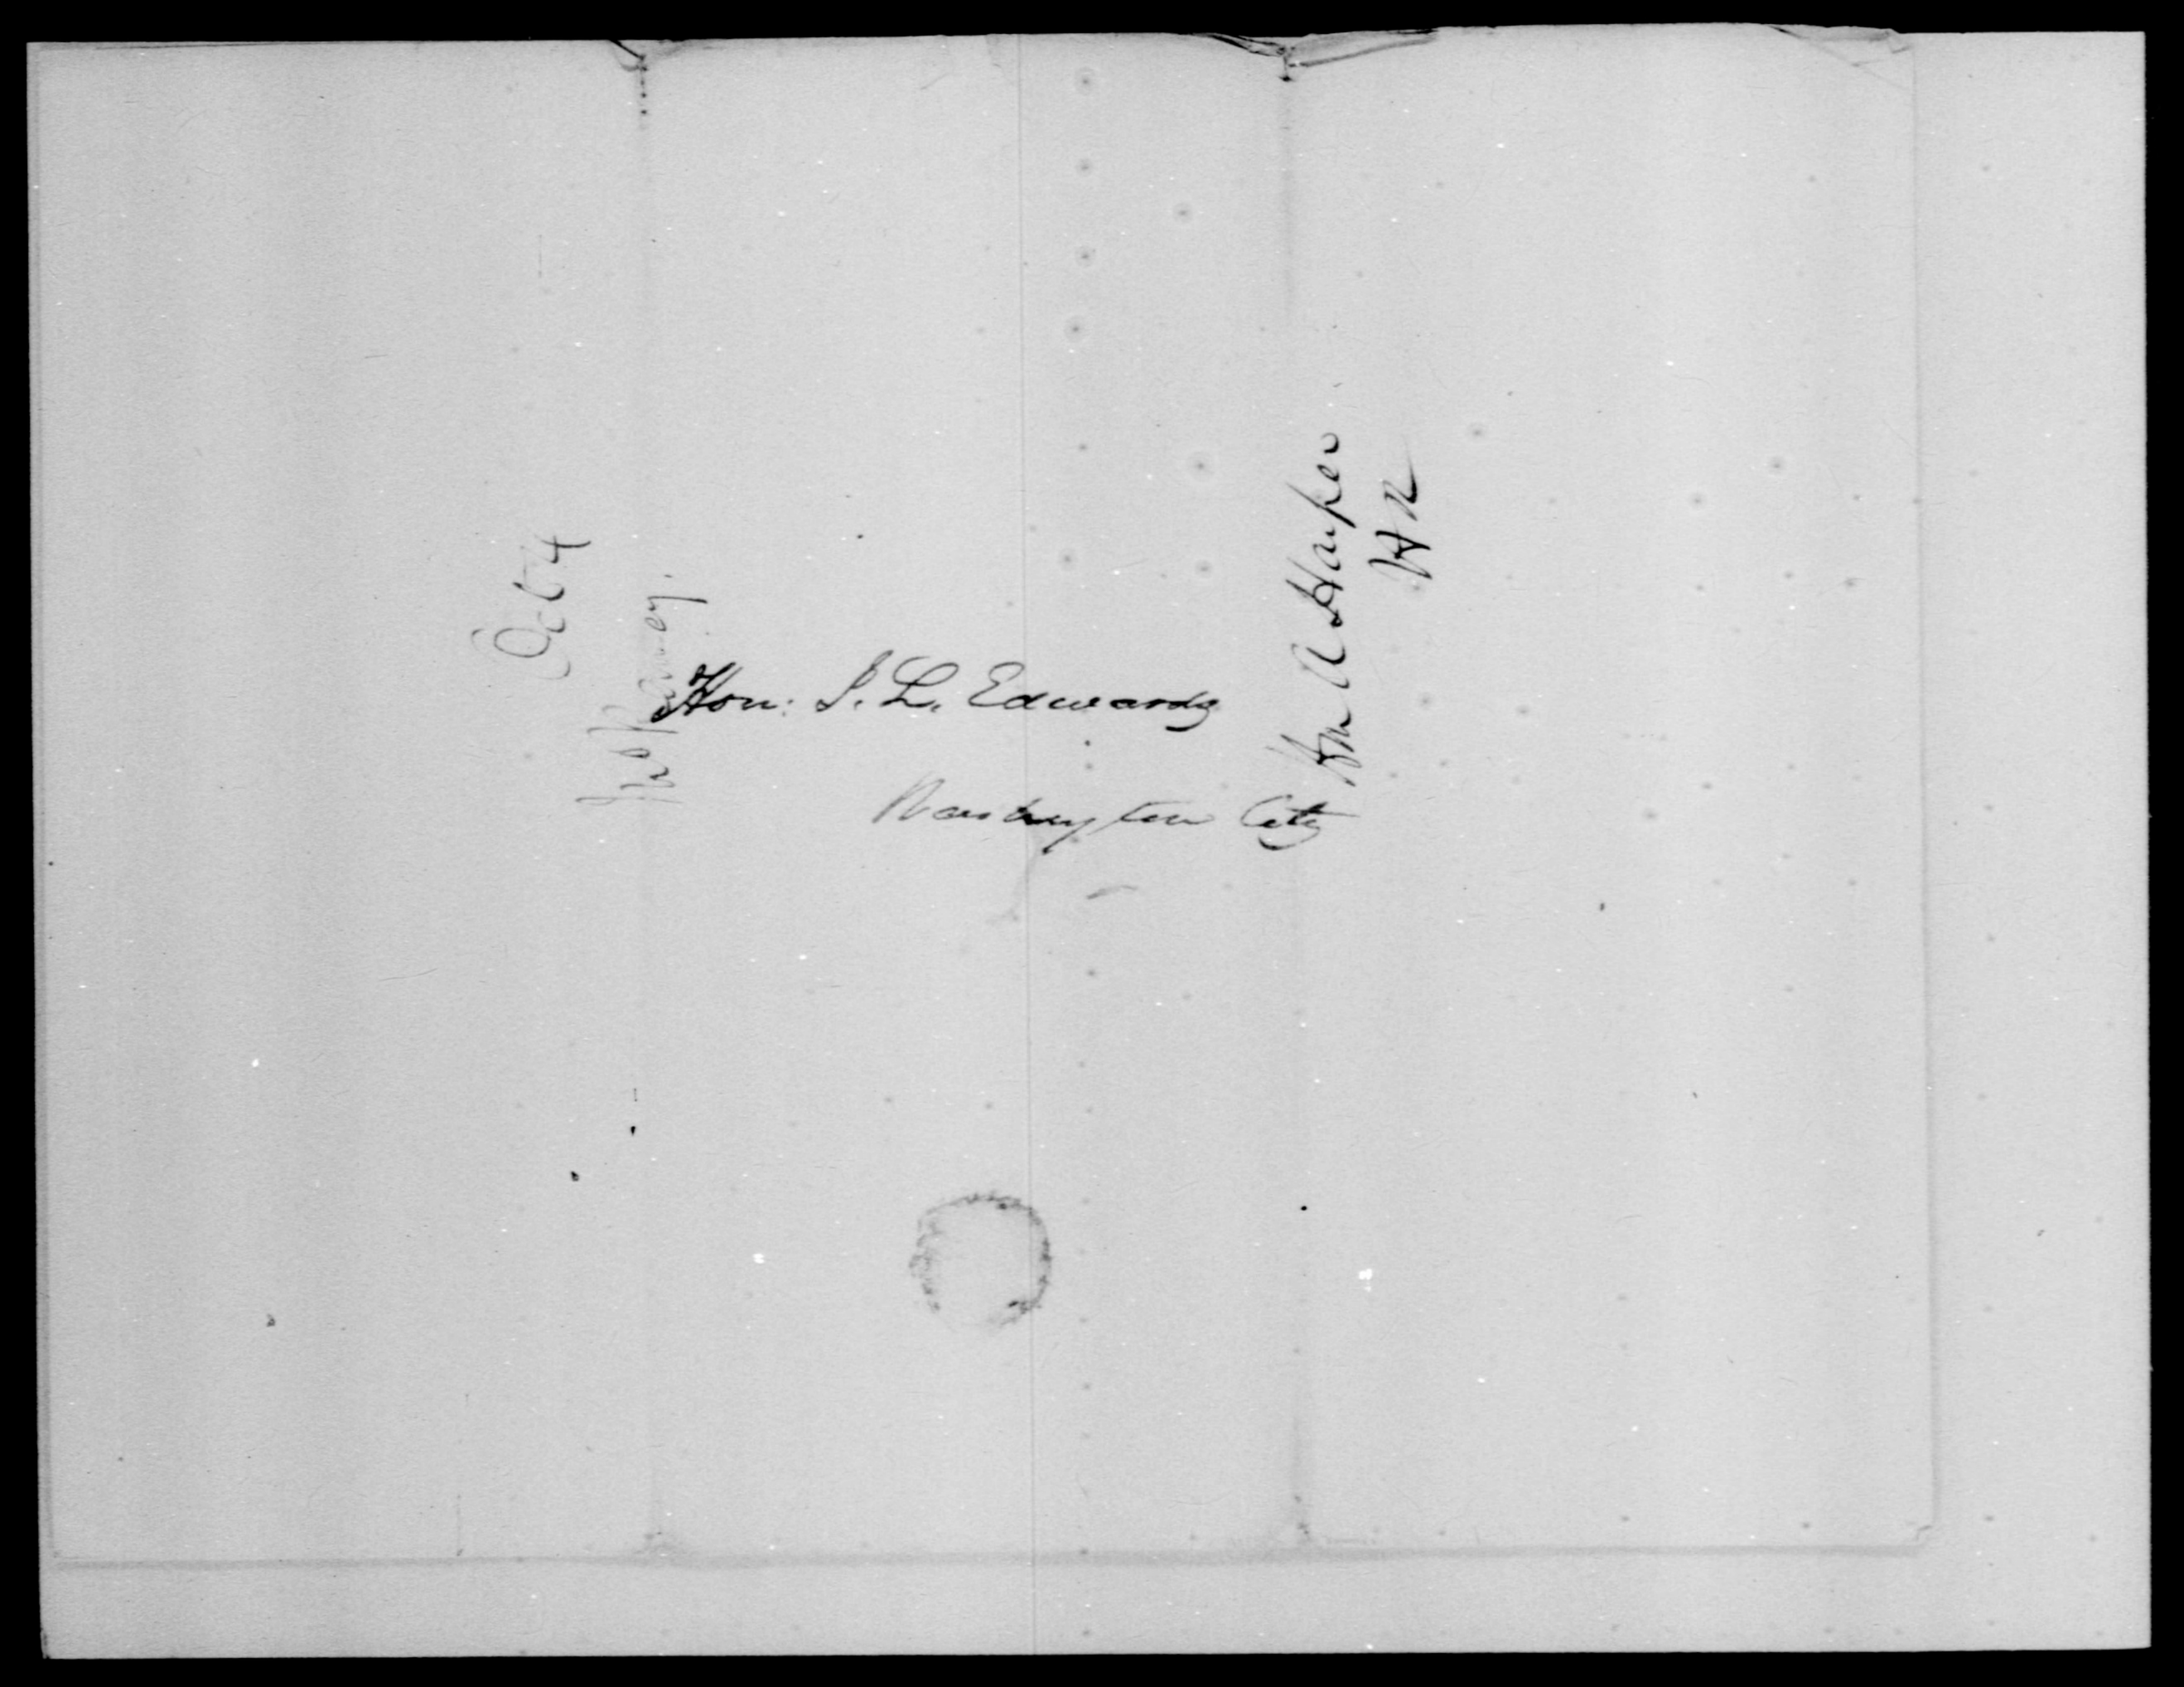Hon. J. L. Edwards
Washington City

Oct 4
Jno Ramey
Hon A Harper
HR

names: J L Edwards; A Harper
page: 31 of 84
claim: widow's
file: W.11104, for John Remay, Virginia